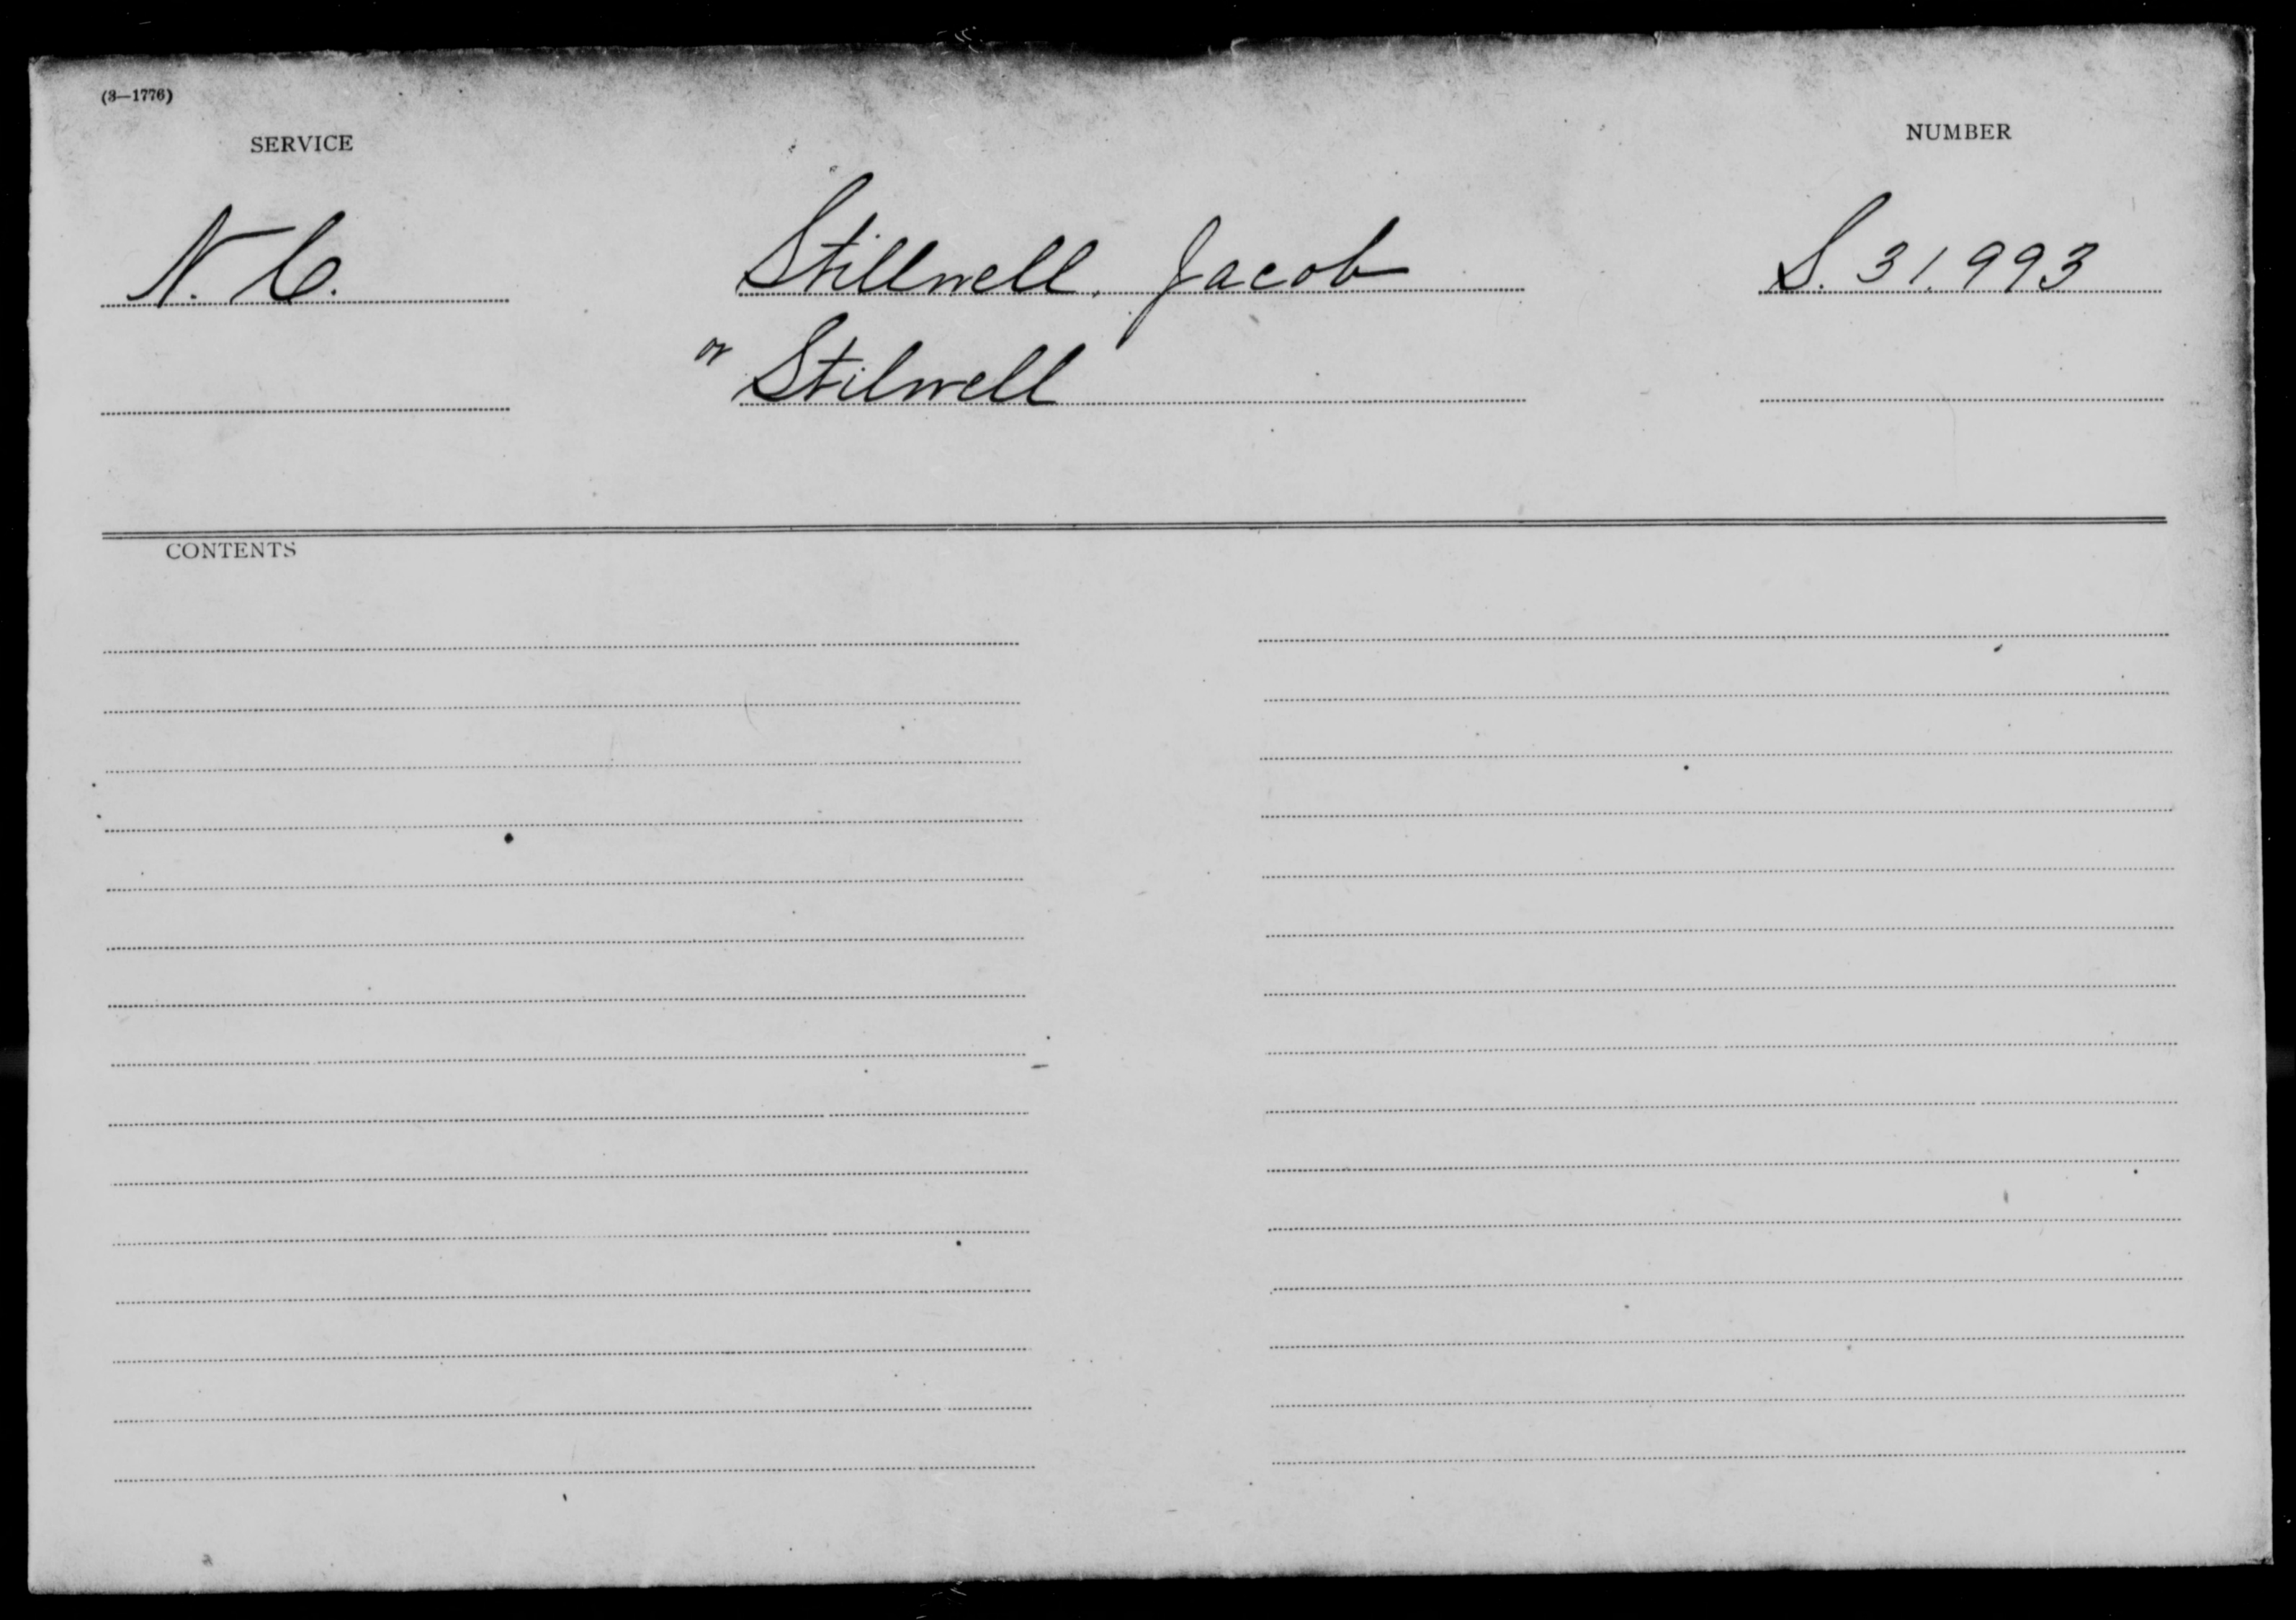Service NC

Stillwell, Jacob or Stillwell


Number S. 31.993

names: Jacob Stilwell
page: 1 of 25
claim: survivor's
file: S. 31,993, for Jacob Stillwell, North Carolina